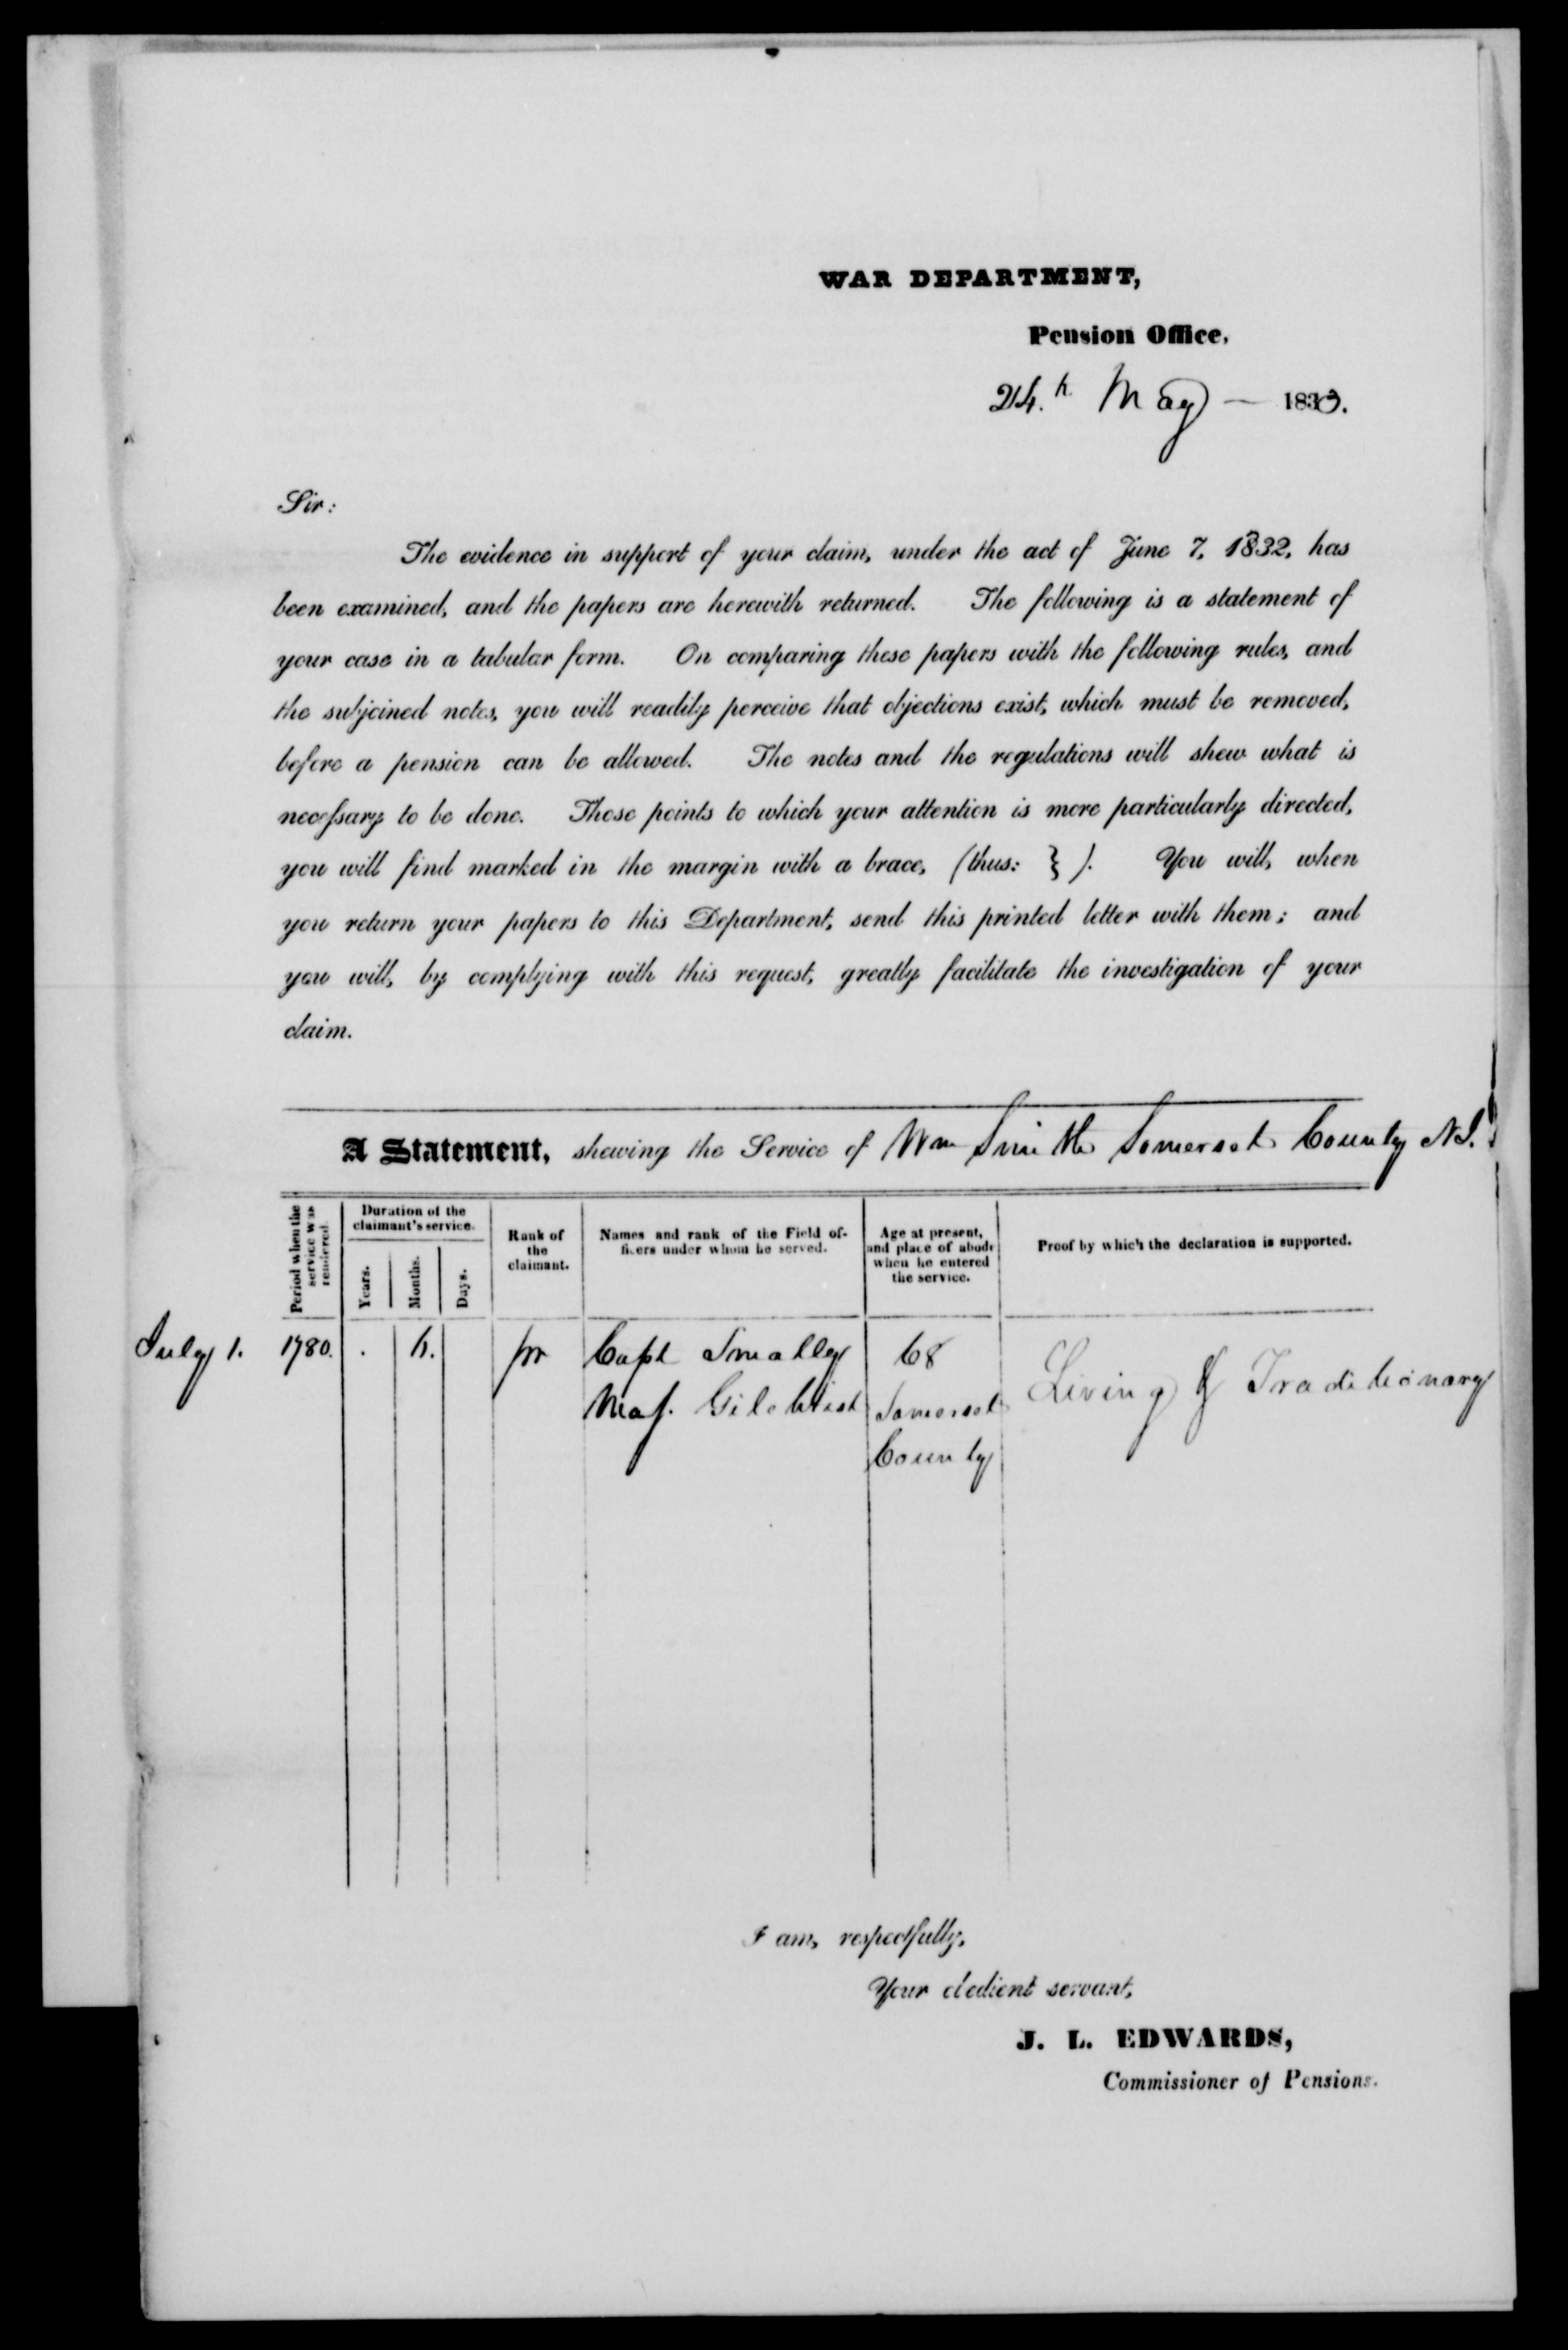WAR DEPARTMENT,
Pension Office,
24th May 1833

Sir:

The evidence in support of your claim, under the act of June 7, 1832, has been examined, and the papers are herewith returned. The following is a statement of your case in a tabular form. On comparing these papers with the following rules, and the subjoined notes, you will readily perceive that objections exist, which must be removed, before a pension can be allowed. The notes and the regulations will shew what is necessary to be done. Those points to which your attention is more particularly directed, you will find marked in the margin with a brace, (thus: }). You will, when
you return your papers to this Department, send this printed letter with them; and you will, by complying with this request, greatly facilitate the investigation of your claim.

Statement, shewing the service of Wm Smith Somerset County N.J.
----------------------------------
[Table follows with 6 columns, column headings as follows:]
(1) Period when the service was rendered.
(2) Duration of the claimant's service. {sub-headings:  a. Years. b. Months. c. Days
(3) Rank of the claimant.
(4) Names and rank of the Field officers under whom he served.
(5) Age at present, and place of abode when he entered the service.
(6) Proof by which the declaration is supported.

[text under columns:]
(1) July 1, 1789
(2) a. [blank] b. 6. c. [blank]
(3) pr
(4) Capt Smalley, Maj. Gilchrist
(5) 68, Somerset County
(6) Living & Traditionary

I am, respectfully,
Your obedient servant,
J. L. EDWARDS,
Commissioner of Pensions.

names: Wm Smith; [BLANK] Smalley; J L Edwards; [BLANK] Gilchrist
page: 4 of 27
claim: survivor's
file: S. 915, for William Smith, New Jersey